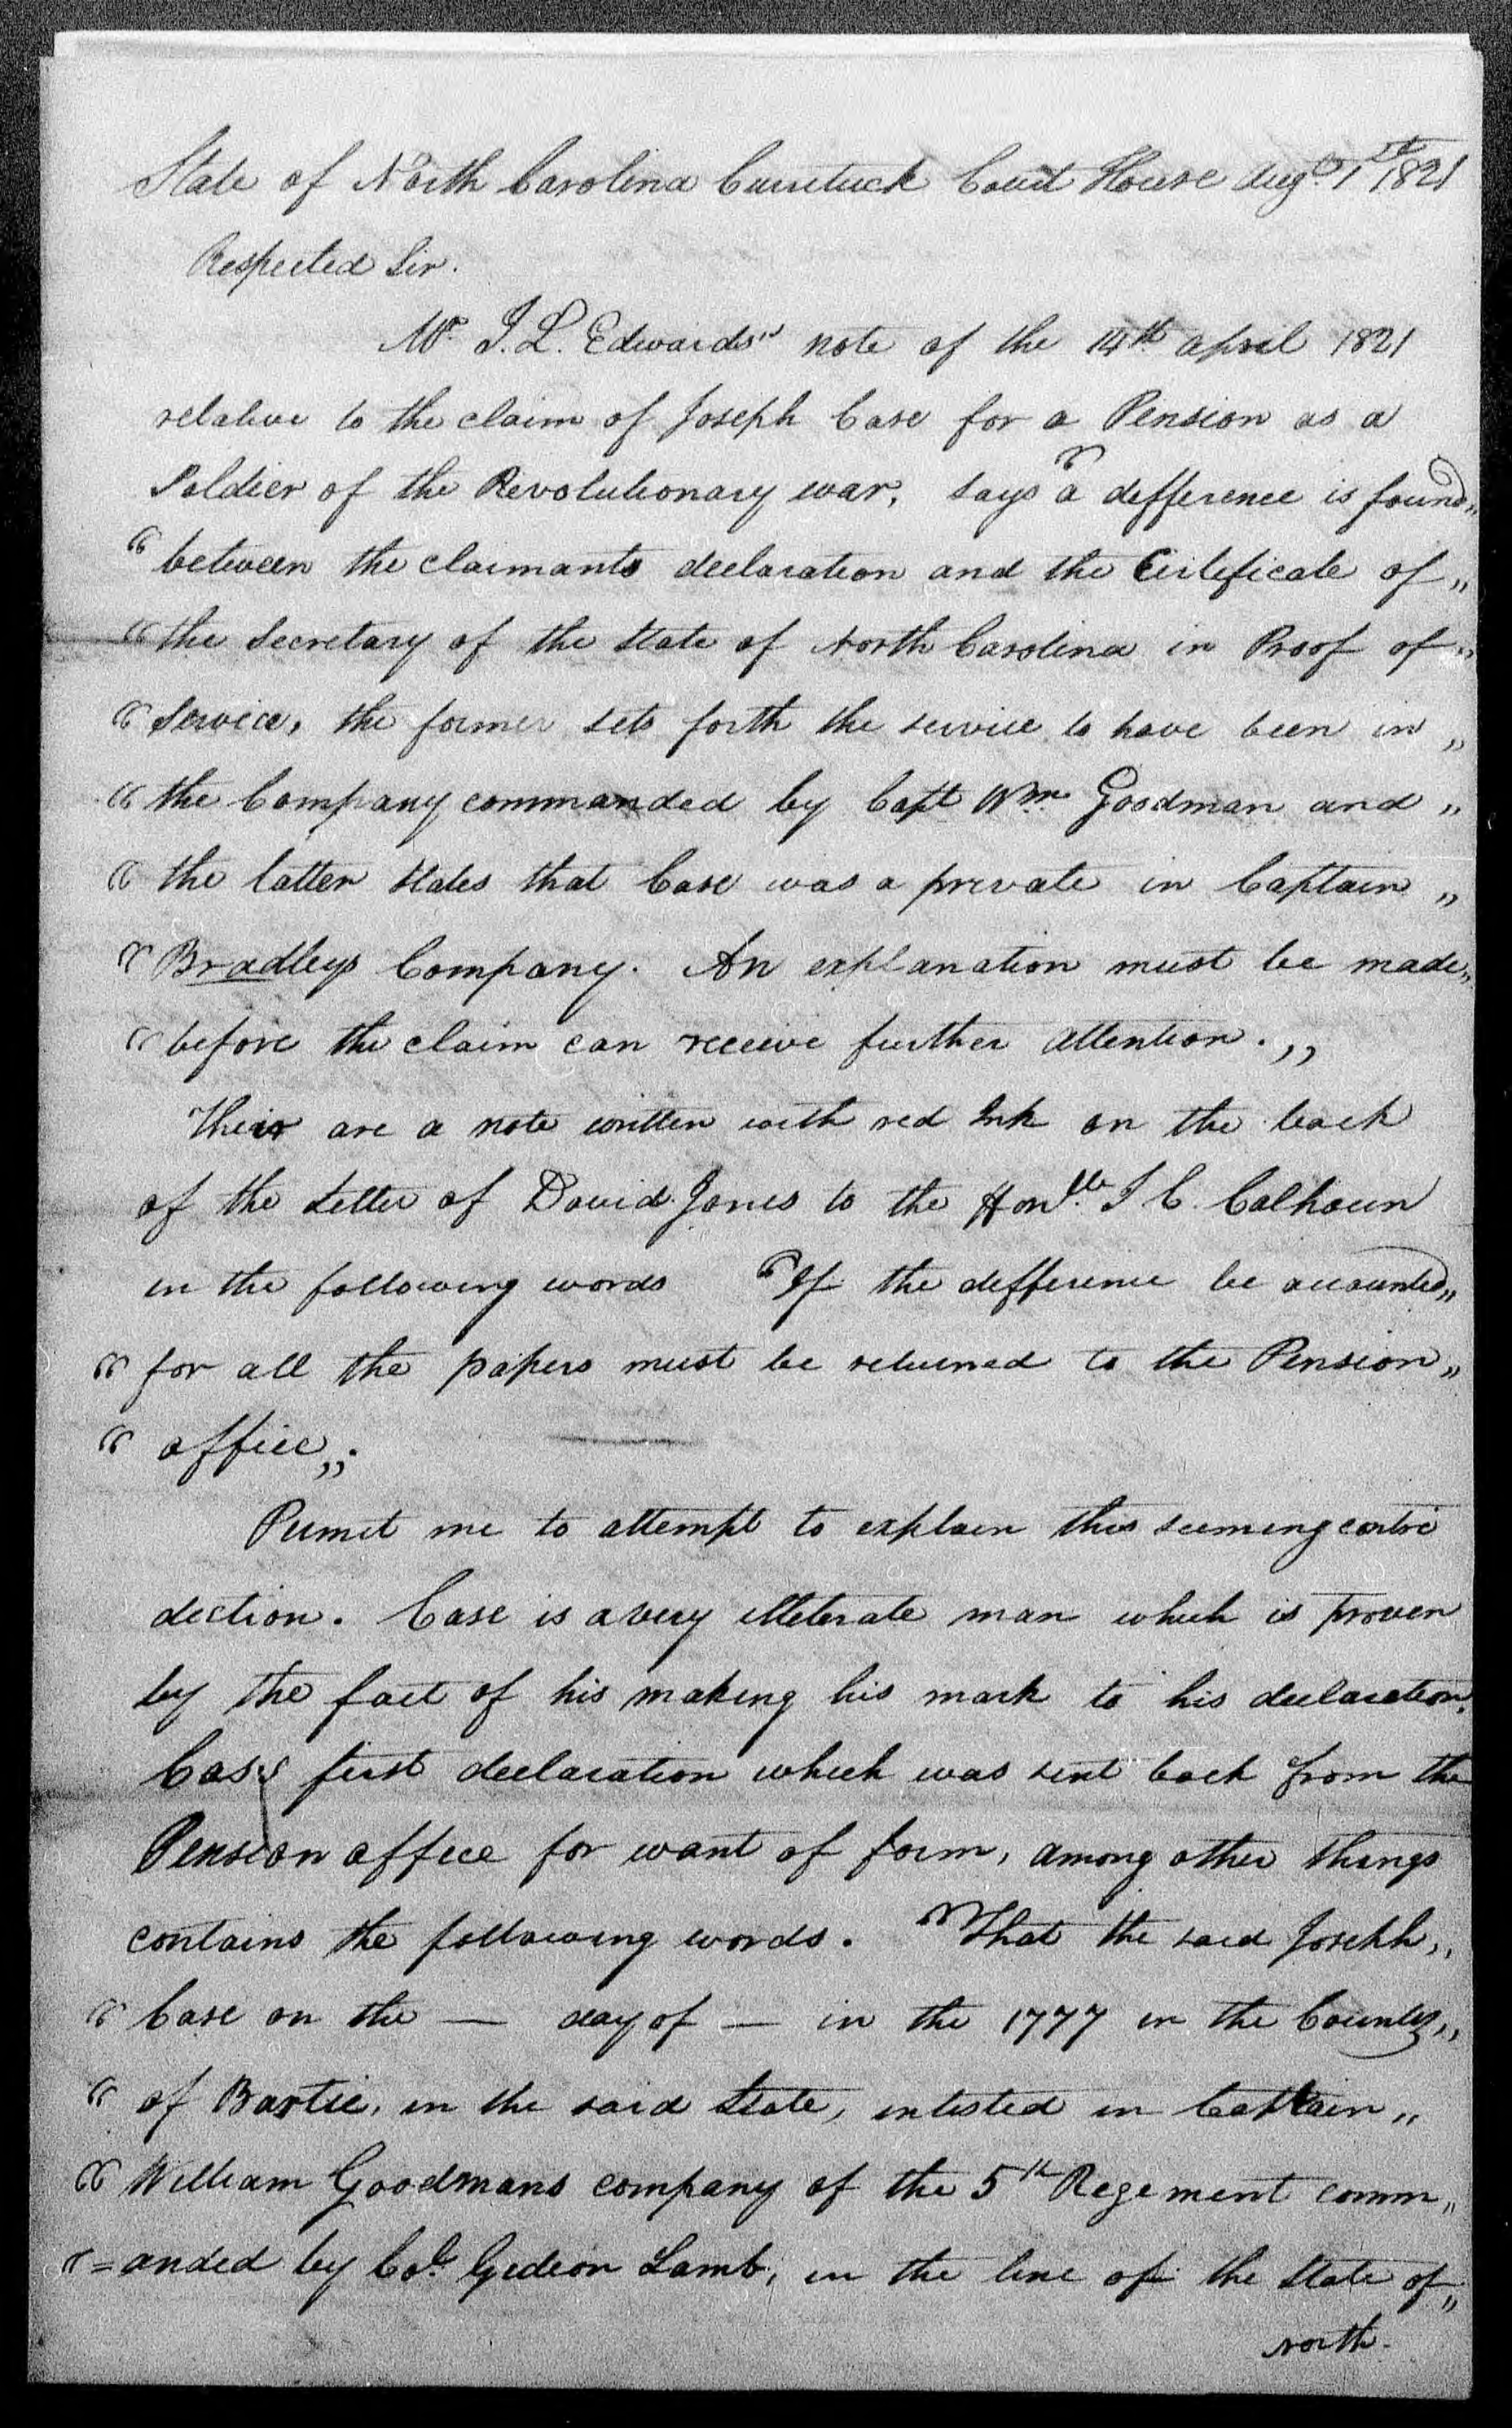State of North Carolina Curtuck Court House August 1st 1821

Respected Sir:

Mr. L.L. Edwards note of the 14th April 1821 relative to the claims of Joseph Case for a Pension as a Soldier of the Revolutionary War, says a difference is found between the claimants declaration and the Certificate of the Secretary of the State of North Carolina in Proof of Service, the former set forth the service to have been in the Company commanded by Capt. Wm. Goodman and the latter states that Case was a private in Captain Bradley's Company.  An explanation must be made before the claim can receive further attention. [note there were quotation marks at the start and end of each line]

This are a note written with no ink on the back of the Letter of David Jones to the Honorable J.L. Calhoun in the following words "If the difference be accounted for all the papers must be returned to the Pension office."

Permit me to attempt to to explain this seeming contradiction.  Case is a very illiterate man which is proven by the fact of his making his mark to his declaration.  Cass first declaration which was sent back from the Pension office for want of form, among other things contains the following words.  "That the said Joseph Case on the ___ day of ___ in the 1777 in the County of Bartie, in the said State, enlisted in Captain William Goodman's company of the 5th Regiment commanded by Col. Gideon Lamb, in the line of the State of North"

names: Case, Case, Gideon Lamb, J L Edwards, Joseph Case, David Jones, Wm Goodman, Joseph Case, J C Calhoun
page: 13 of 20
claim: survivor's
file: S. 41472, Joseph Case, N.C.